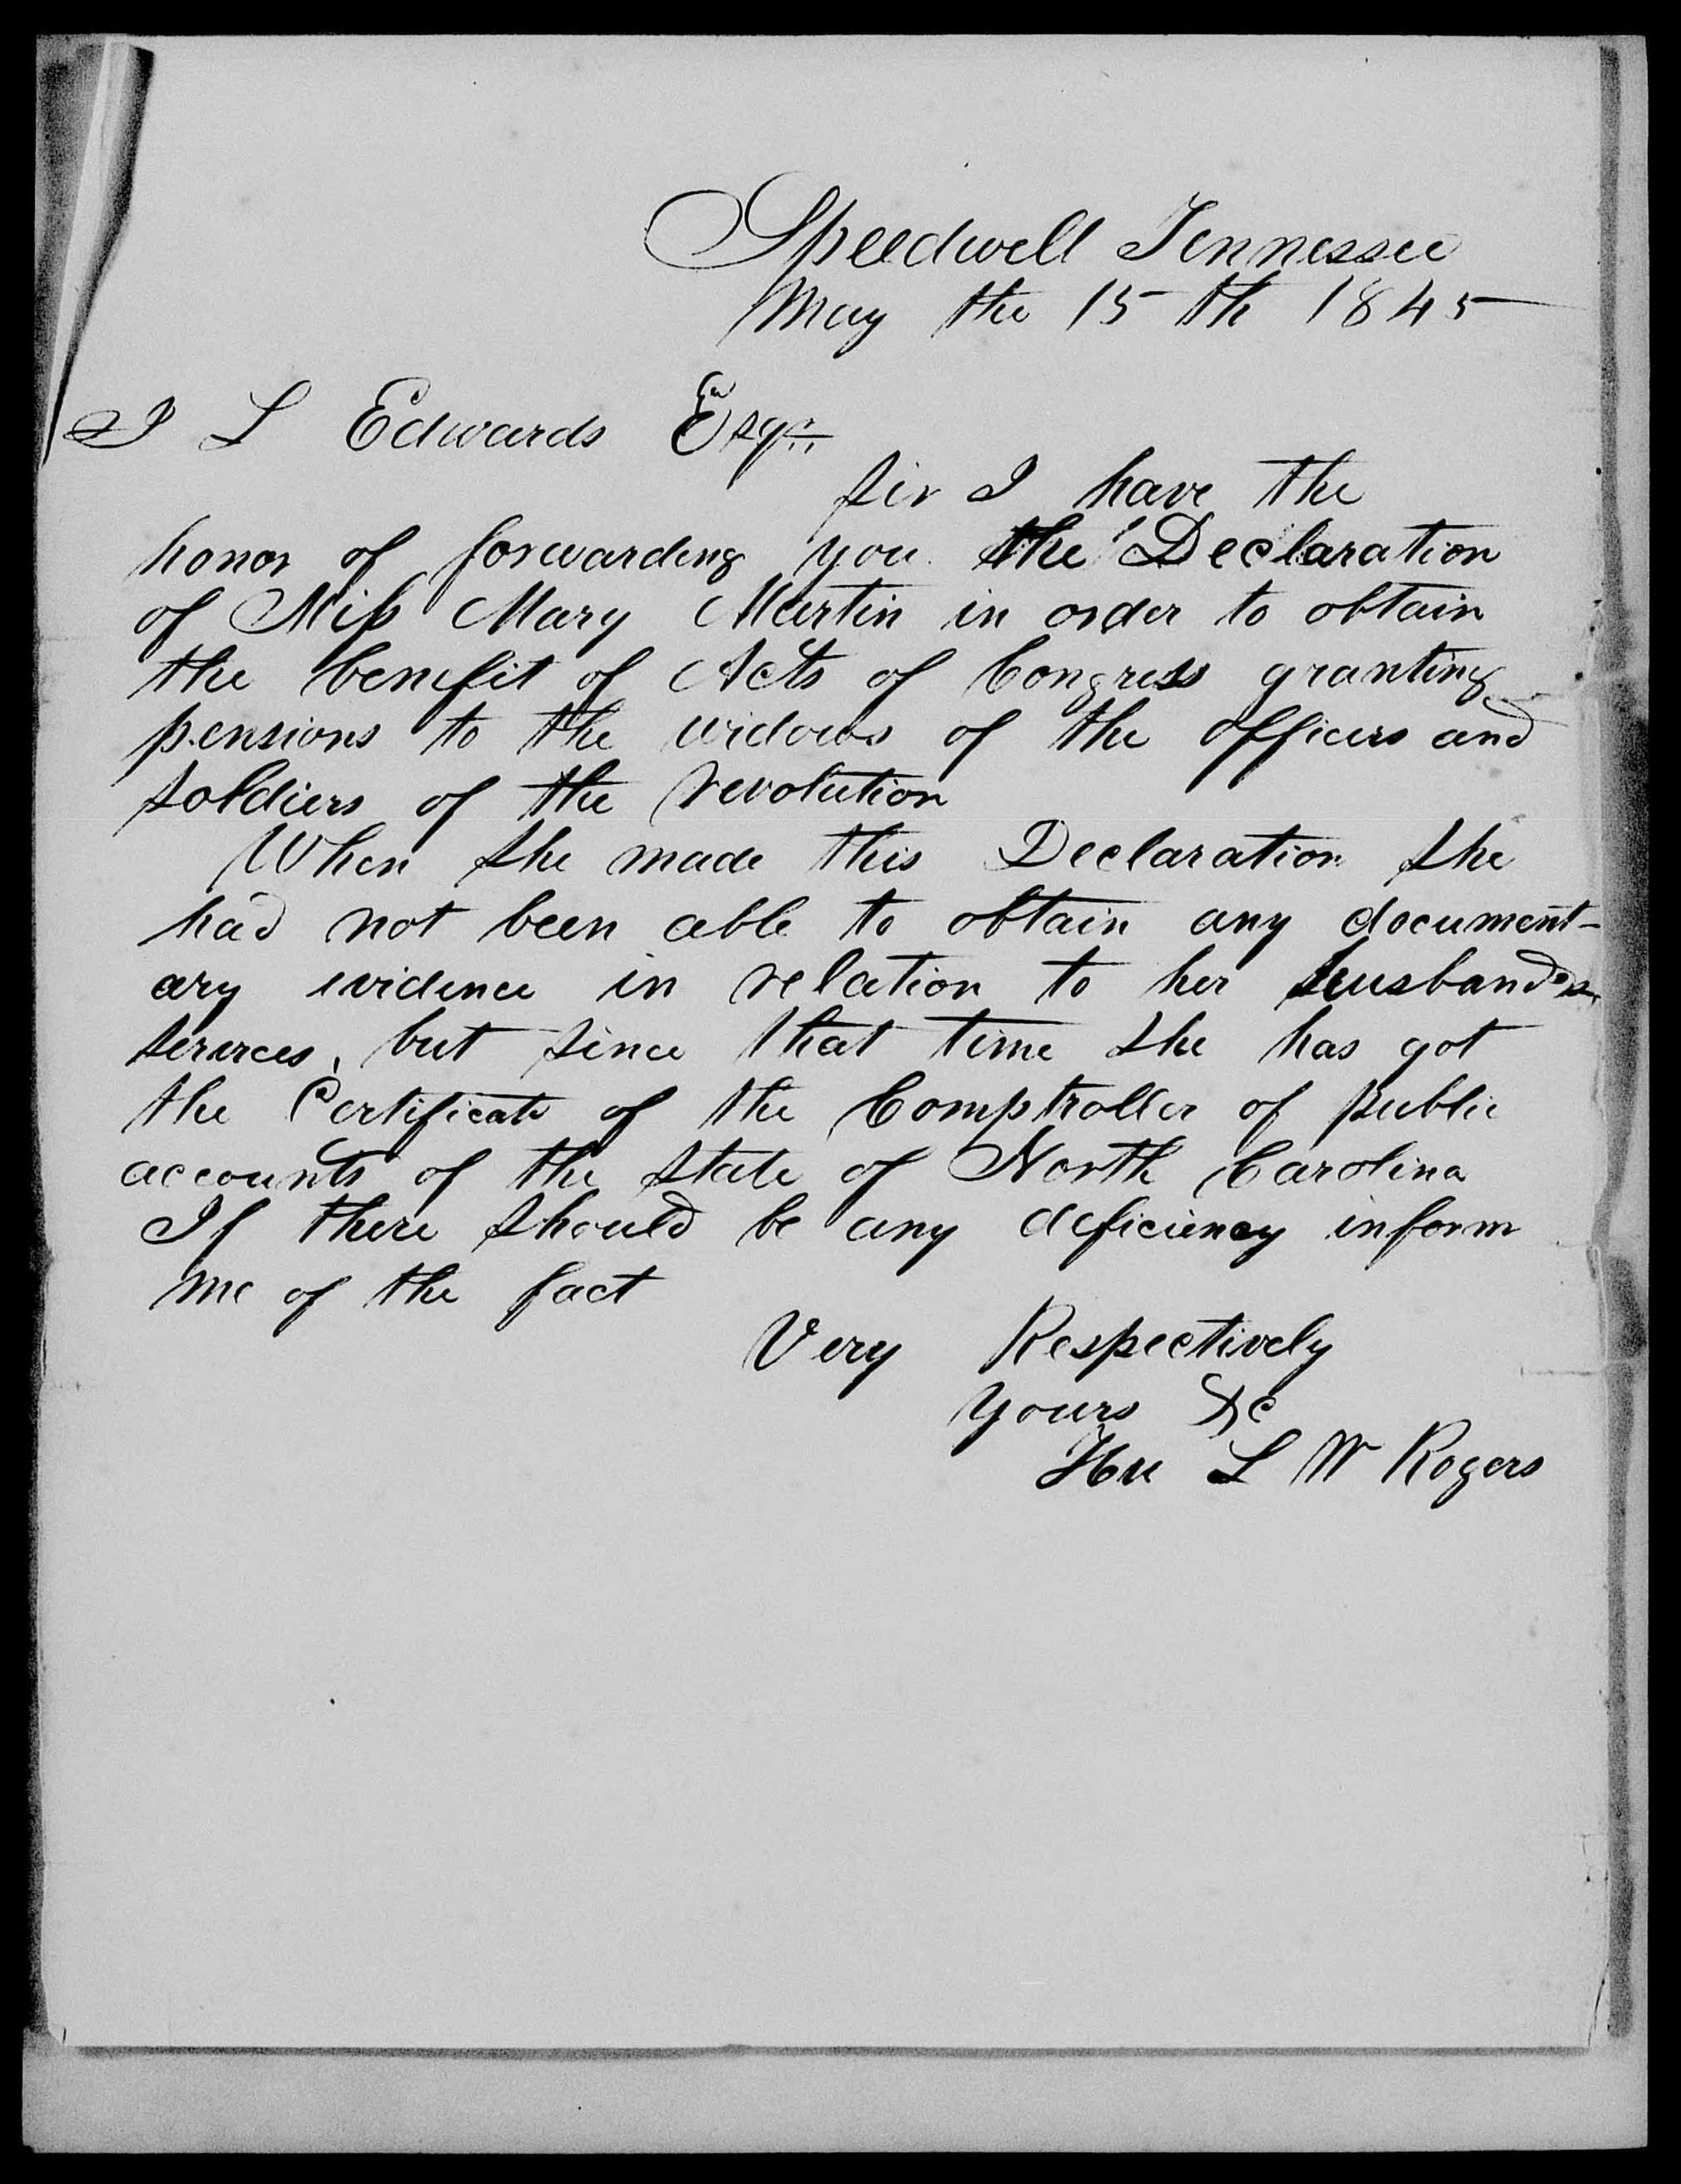Speedwell Tennessee
May the 15th 1845
J L Edwards Esqr
Sir I have the
honor of forwarding you the Declaration
of Miss Mary Martin in order to obtain
the benefit of Acts of Congress granting
pensions to the widows of the officers and
Soldiers of the revolution
When she made this Declaration she
had not been able to obtain any document-
ary evidence in relation to her husbands
services, but since that time she has got
the Certificate of the Comptroller of public
accounts of the State of North Carolina
If there should be any deficiency inform
me of the fact
Very Respectively
Yours &c
Hn L W Rogers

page: 87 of 120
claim: widow's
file: W. 1044, for Salathiel Martin, North Carolina